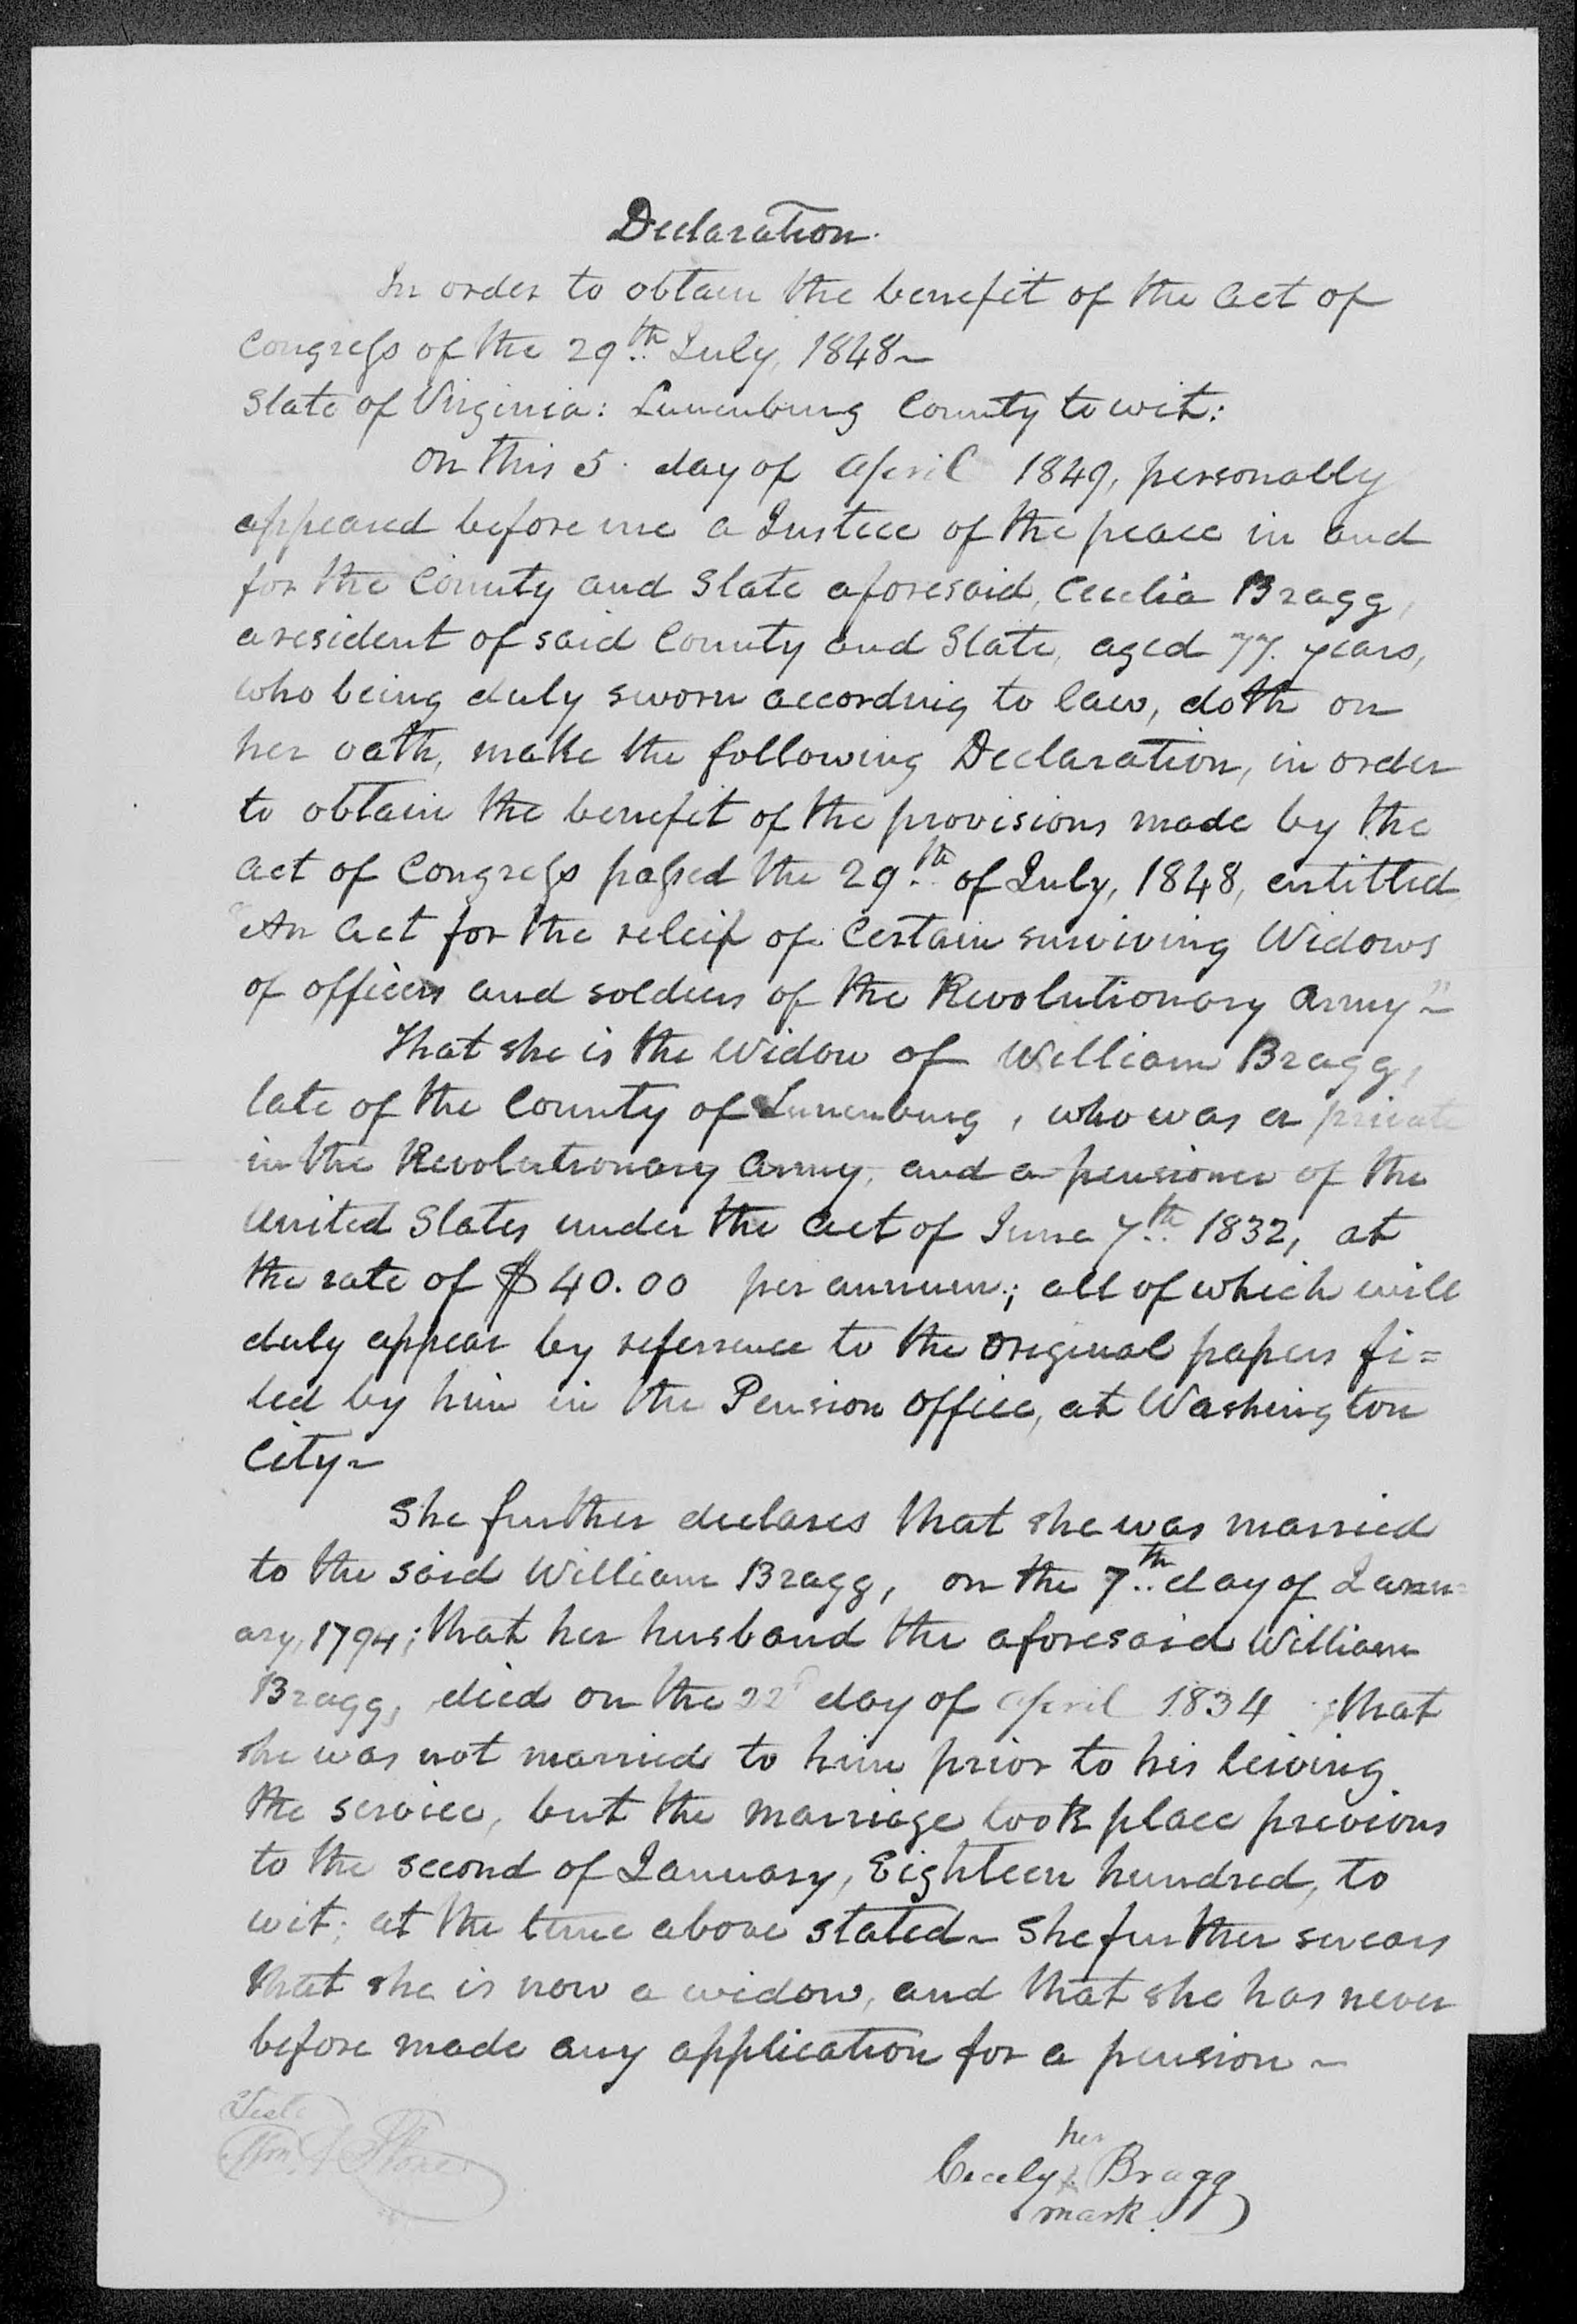Declaration 
In order to obtain the benefit of the act of Congress of the 29th July 1848- 
State of Virginia: Lunenburg County to wit: 
On this 5 day of April 1849, personally appeared before me a Justice of the peace in and for the County and State aforesaid, Cecelia Bragg a resident of said County and State, aged 77 years who being duly sworn according to law, doth on her oath, make the following Declaration, in order to obtain the benefit of the provisions made by the act of Congress passed the 29th of July, 1848, entitled “An act for the relief of certain surviving widows of officers and soldiers of the Revolutionary army.” 
That she is the widow of William Bragg, late of the County of Lunenburg, who was a private in the Revolutionary army, and a pensioner of the United States under the Act of June 7th 1832, at the rate of $40.00 per annum; all of which will duly appear by reference to the original papers filed by him in the Pension Office at Washington City. 
She further declares that she was married to the said William Bragg, on the 7th day of January 1794; that her husband the aforesaid William Bragg, died on the 22d day of April 1834. That she was not married to him prior to his leaving the service, but the marriage took place previous to the second of January, Eighteen hundred to wit; at the time above stated. She further swears that she is now a widow, and that she has never before made any application for a pension- 
Teste
Wm A Stone
Cecely [her X mark] Bragg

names: William Bragg, Cecely Bragg, William Bragg, Wm A Stone, William Bragg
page: 10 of 19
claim: widow's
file: W. 2517, William Bragg, Va.